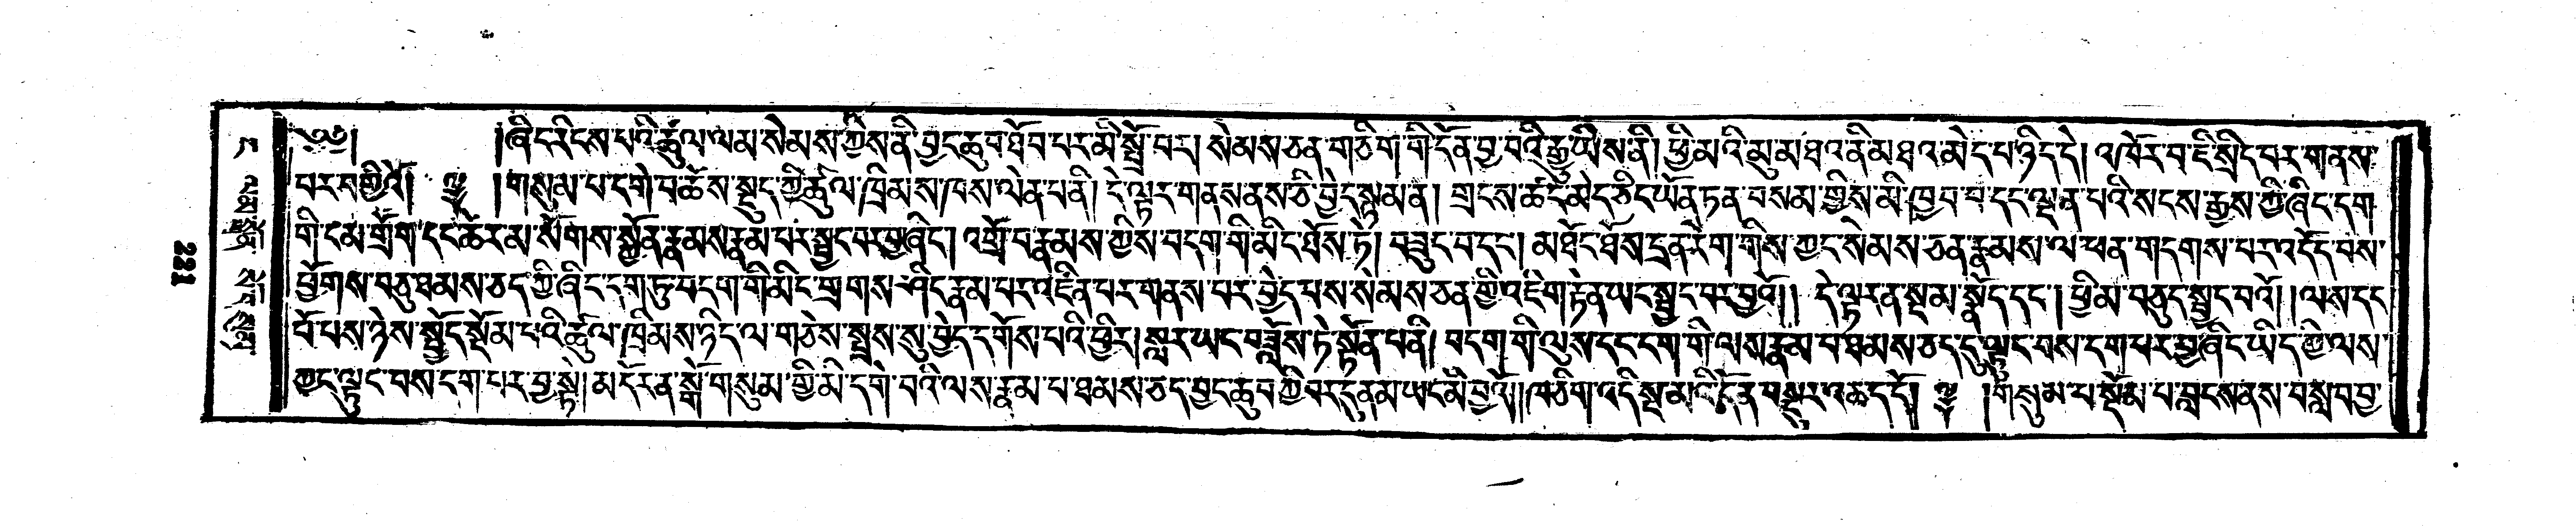༄༅། །ཞིང་རིངས་པའི་ཚུལ་ལམ་སེམས་ཀྱིས་ནི་བྱང་ཆུབ་ཐོབ་པར་མི་སྤྲོ་བར། སེམས་ཅན་གཅིག་གི་དོན་བྱ་བའི་རྒྱུ་ཡིས་ནི། ཕྱི་མའི་མུ་མཐའ་ནི་མཐའ་མེད་པ་ཉིད་དེ། འཁོར་བ་ཇི་སྲིད་བར་གནས་
པར་བགྱིའོ། ༈ །གསུམ་པ་དགེ་བ་ཆོས་སྡུད་ཀྱི་ཚུལ་ཁྲིམས་ཁས་ལེན་པ་ནི། དེ་ལྟར་གནས་ནས་ཅི་བྱེད་སྙམ་ན། གྲངས་ཚད་མེད་ཅིང་ཡོན་ཏན་བསམ་གྱིས་མི་ཁྱབ་པ་དང་ལྡན་པའི་སངས་རྒྱས་ཀྱི་ཞིང་དག་
གི་ངམ་གྲོག་དང་ཚེར་མ་སོགས་སྐྱོན་རྣམས་རྣམ་པར་སྦྱང་བར་བྱ་ཞིང་། འགྲོ་བ་རྣམས་ཀྱིས་བདག་གི་མིང་ཐོས་ཏེ། བཟུང་བ་དང་། མཐོང་ཐོས་དྲན་རེག་གིས་ཀྱང་སེམས་ཅན་རྣམས་ལ་ཕན་གདགས་པར་འདོད་པས་
ཕྱོགས་བཅུ་ཐམས་ཅད་ཀྱི་ཞིང་དག་ཏུ་བདག་གི་མིང་གྲགས་ཤིང་རྣམ་པར་འཛིན་པར་གནས་པར་བྱེད་པས་སེམས་ཅན་གྱི་འཇིག་རྟེན་ཡང་སྦྱང་བར་བྱའོ། །དེ་ལྟར་ན་སྔ་མ་སྣོད་དང་། ཕྱི་མ་བཅུད་སྦྱང་བའོ། །ལས་དང་
པོ་པས་ཉེས་སྤྱོད་སྡོམ་པའི་ཚུལ་ཁྲིམས་ཉིད་ལ་གཅེས་སྤྲས་སུ་བྱེད་དགོས་པའི་ཕྱིར། སླར་ཡང་བཟློས་ཏེ་སྟོན་པ་ནི། བདག་གི་ལུས་དང་ངག་གི་ལས་རྣམ་པ་ཐམས་ཅད་དུ་ལྟུང་བས་དག་པར་བྱ་ཞིང་ཡིད་ཀྱི་ལས་
ཀྱང་ལྟུང་བས་དག་པར་བྱ་སྟེ། མདོར་ན་སྒོ་གསུམ་གྱི་མི་དགེ་བའི་ལས་རྣམ་པ་ཐམས་ཅད་བྱང་ཆུབ་ཀྱི་བར་དུ་ནམ་ཡང་མི་བྱའོ། །ཁ་ཅིག་འདི་སྔ་མའི་དོན་བསྡུར་འཆད་དོ། ༈ །གསུམ་པ་སྡོམ་པ་བླངས་ནས་བསླབ་བྱ་